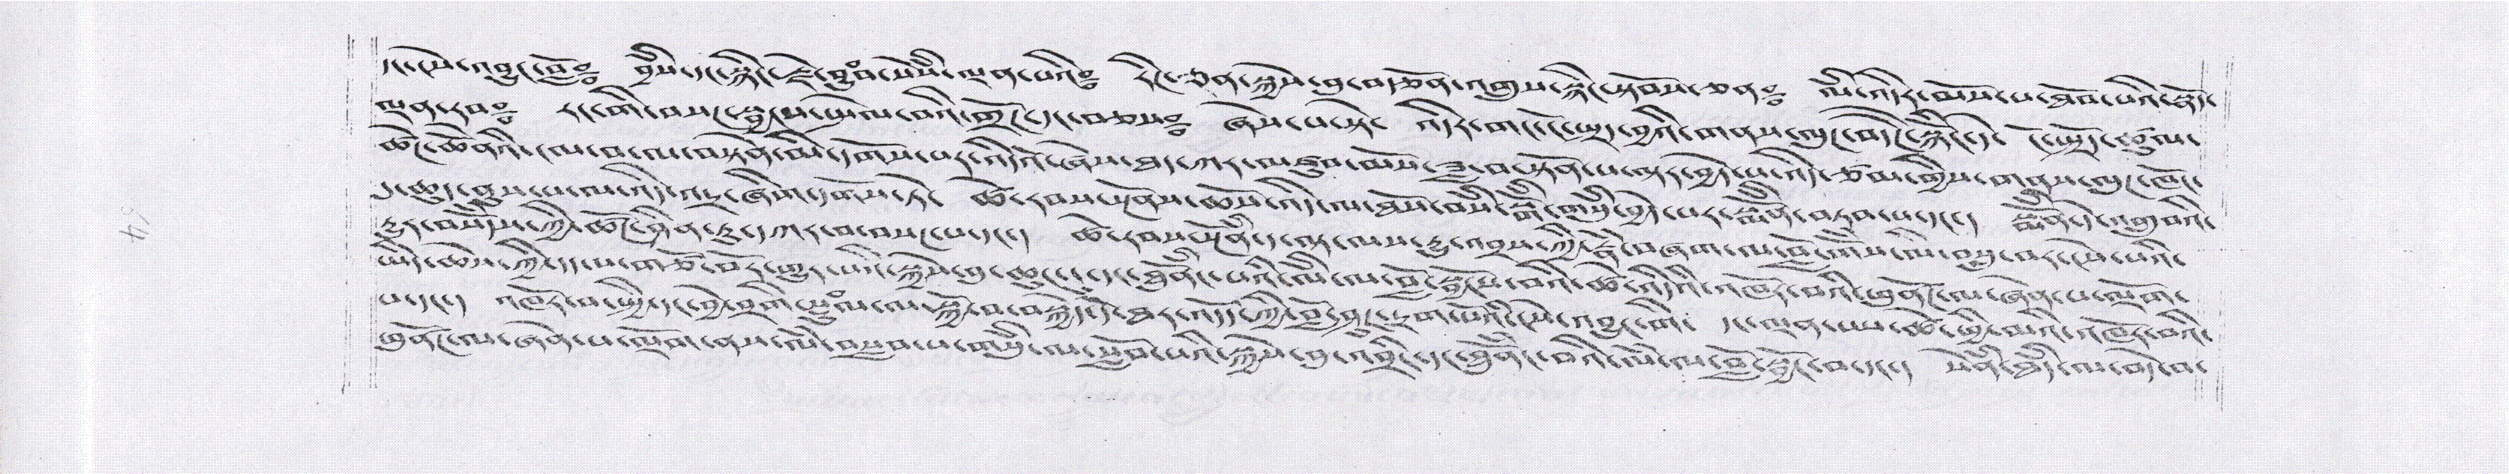དང་ངེས་འབྱུང་བློཿ བྱམས་དང་སྙིང་རྗེ་བྱང་ཆུབ་སེམས་ལྡན་པའིཿ རིགས་ཅན་སྐྱེས་བུ་བརྩོན་འགྲུས་སྙིང་སྟོབས་ཅནཿ ལམ་འདིར་མོས་པ་ཐོབ་པའི་སྣོད་
ལྡན་རབཿ རང་གི་བསགས་སྦྱང་སྤེལ་བའི་གྲོགས་དང་བཅསཿ ཞེས་པ་སྟེ། འདིར་གང་ངོ་སྤྲད་བྱའི་གནས་ལུགས་བདེར་གཤེགས་སྙིང་པོ། ངོ་སྤྲོད་ཚུལ་
ཚེགས་ཆེན་པོའི་ངལ་བ་ལ་བསྟེན་མི་དགོས་པར་འདིའོ་ཞེས་ཐད་ཀར་མཛུབ་མོས་ཟླ་བ་སྟོན་པ་ལྟར་བྱེད་པ་འདི་ཙམ་གྱིས་གནས་ལུགས་ཁོང་
དུ་ཆུད་ནུས་པ་ལ་འདི་འདྲ་ཞིག་དགོས་ཏེ། ཚེ་རབས་སྔོན་ནས་ཆོས་འདི་ལ་ཐོས་བསམ་སྒོམ་གསུམ་བྱེད་པར་སྨོན་ལམ་བཏབ་པ་དང་། སྨོན་ལམ་དེ་འགྲུབ་པའི་
རྒྱུར་བསོད་ནམས་ཀྱི་ཚོགས་ཤིན་ཏུ་དཀའ་བ་བསགས་པ་དང་། ཚེ་རབས་སྔོན་ནམ་ད་ལྟ་ལས་རྒྱུ་འབྲས་ཀྱི་རྣམ་གཞག་ལ་བློ་གོམས་མི་བསླུ་བར་ངེས་པའི་
ཡིད་ཆེས་ཀྱི་དད་པ་གཙོ་བོར་གྱུར་པའི་སྐྱེས་བུ་ཆུང་ངུ་དང་ཐུན་མོང་བའི་ལམ་ལ་བློ་སྦྱོང་བས་ཚེ་འདིའི་འཁོར་བའི་ཕུན་ཚོགས་ལ་ཞེན་པ་ལྡོག་
པ་དང་། འཁོར་བ་སྤྱི་དང་བྱེ་བྲག་གི་སྡུག་བསྔལ་ལ་སྐྱོ་བ་བསྐྱེད་དེ་ཐར་འདོད་ཀྱི་བློ་ཤུགས་དྲག་པའི་ངེས་འབྱུང་གི་༼བློ༽དང་ལྡན་པས་ཚེ་ཕྱི་མའི་འཁོར་བའི་
ཕུན་ཚོགས་ལ་ཞེན་པ་ལྡོག་ནས་ལམ་བསླབ་པ་གསུམ་ལ་སློབ་པའི་སྐྱེས་བུ་འབྲིང་དང་ཐུན་མོང་བའི་ལམ་ལ་བློ་སྦྱོང་བ་དང་། སེམས་ཅན་ཐམས་ཅད་ལ་བདེ་བ་